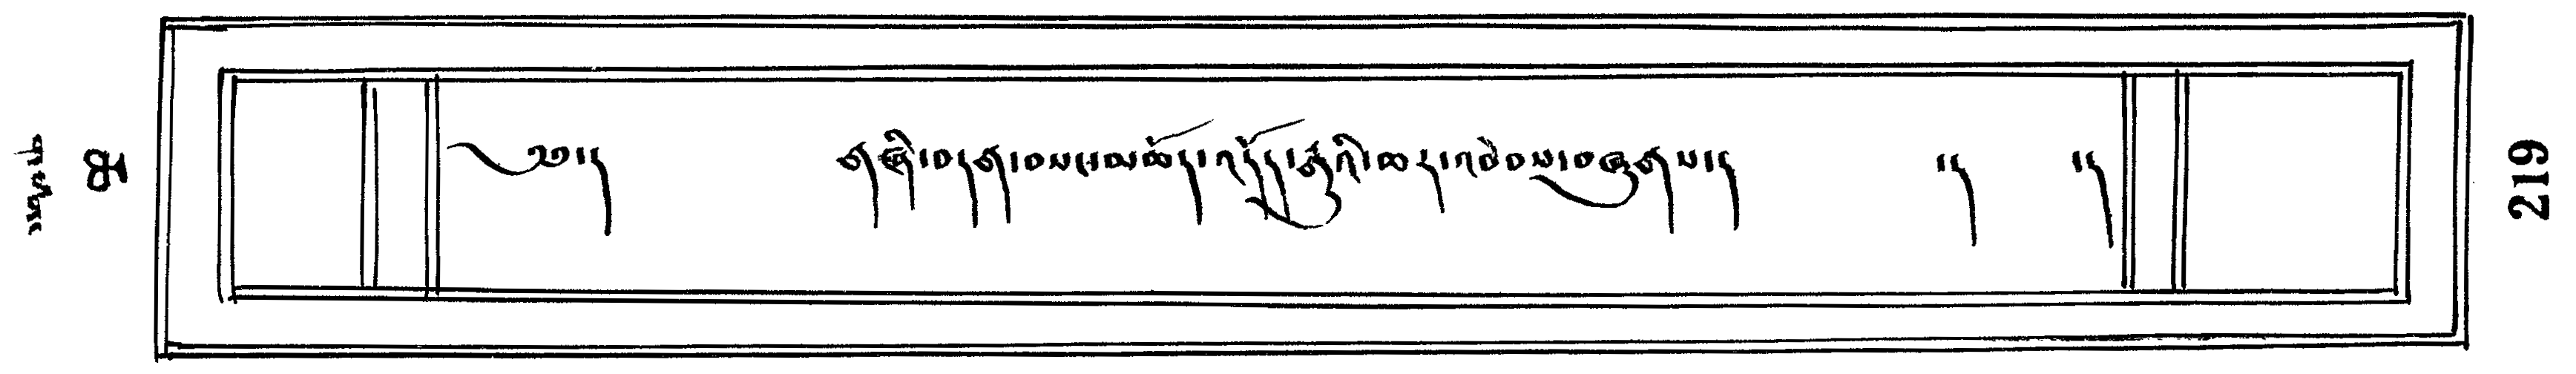༄༅། གཞི་བདག་བསང་མཆོད་འདོད་རྒུའི་ཆར་འབེབས་བཞུགས།།